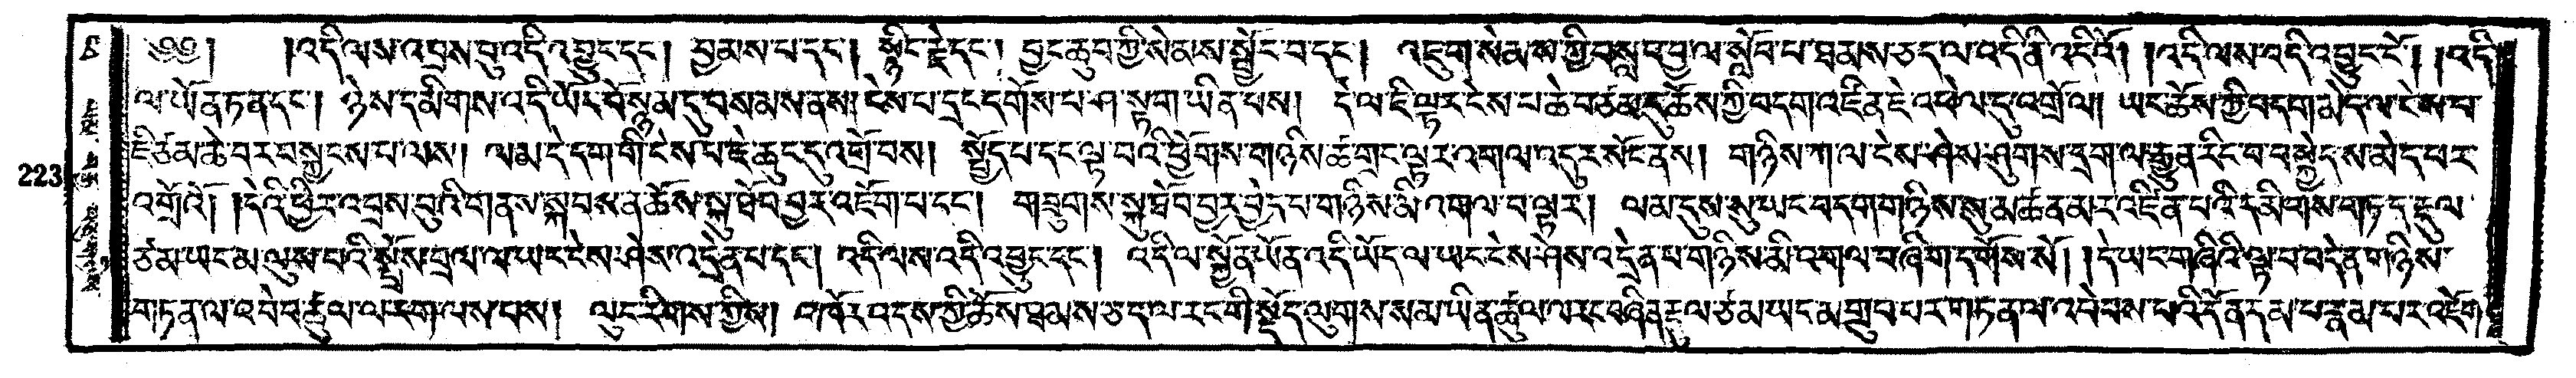༄༅། །འདི་ལས་འབྲས་བུ་འདི་འབྱུང་དང་། བྱམས་པ་དང་། སྙིང་རྗེ་དང་། བྱང་ཆུབ་ཀྱི་སེམས་སྦྱོང་བ་དང་། འཇུག་སེམས་ཀྱི་བསླབ་བྱ་ལ་སློབ་པ་ཐམས་ཅད་ལ་འདི་ནི་འདིའོ། །འདི་ལས་འདི་འབྱུང་ངོ། །འདི་
ལ་ཡོན་ཏན་དང་། ཉེས་དམིགས་འདི་ཡོང་བོ་སྙམ་དུ་བསམས་ནས། ངེས་པ་དྲང་དགོས་པ་ཤ་སྟག་ཡིན་པས། དེ་ལ་ཇི་ལྟར་ངེས་པ་ཆེ་བ་ཙམ་དུ་ཆོས་ཀྱི་བདག་འཛིན་ཇེ་འཕེལ་དུ་འགྲོ་ལ། ཡང་ཆོས་ཀྱི་བདག་མེད་ལ་ངེས་བ་
ཇི་ཙམ་ཆེ་བར་བསྐྱངས་པ་ལས། ལམ་དེ་དག་གི་ངེས་པ་ཇེ་ཆུང་དུ་འགྲོ་བས། སྤྱོད་པ་དང་ལྟ་བའི་ཕྱོགས་གཉིས་ཚ་གྲང་ལྟར་འགལ་འདུར་སོང་ནས། གཉིས་ཀ་ལ་ངེས་ཤེས་ཤུགས་དྲག་ལ་རྒྱུན་རིང་བ་བསྐྱེད་ས་མེད་པར་
འགྲོའོ། །དེའི་ཕྱིར་འབྲས་བུའི་གནས་སྐབས་ན་ཆོས་སྐུ་ཐོབ་བྱར་འཇོག་པ་དང་། གཟུགས་སྐུ་ཐོབ་བྱར་བྱེད་པ་གཉིས་མི་འགལ་བ་ལྟར། ལམ་དུས་སུ་ཡང་བདག་གཉིས་སུ་མཚན་མར་འཛིན་པའི་དམིགས་གཏད་རྡུལ་
ཙམ་ཡང་མ་ལུས་པའི་སྤྲོས་བྲལ་ལ་ཡང་ངེས་ཤེས་འདྲེན་པ་དང་། འདི་ལས་འདི་འབྱུང་དང་། འདི་ལ་སྐྱོན་ཡོན་འདི་ཡོད་ལ་ཡང་ངེས་ཤེས་འདྲེན་པ་གཉིས་མི་འགལ་བཞིག་དགོས་སོ། །དེ་ཡང་གཞིའི་ལྟ་བ་བདེན་གཉིས་
གཏན་ལ་འབེབ་ཚུལ་ལ་རག་ལས་པས། ལུང་རིགས་ཀྱིས། འཁོར་འདས་ཀྱི་ཆོས་ཐམས་ཅད་ལ་རང་གི་སྡོད་ལུགས་སམ་ཡིན་ཚུལ་ལ་རང་བཞིན་རྡུལ་ཙམ་ཡང་མ་གྲུབ་པར་གཏན་ལ་འབེབས་པའི་དོན་དམ་པ་རྣམ་པར་འཇོག་